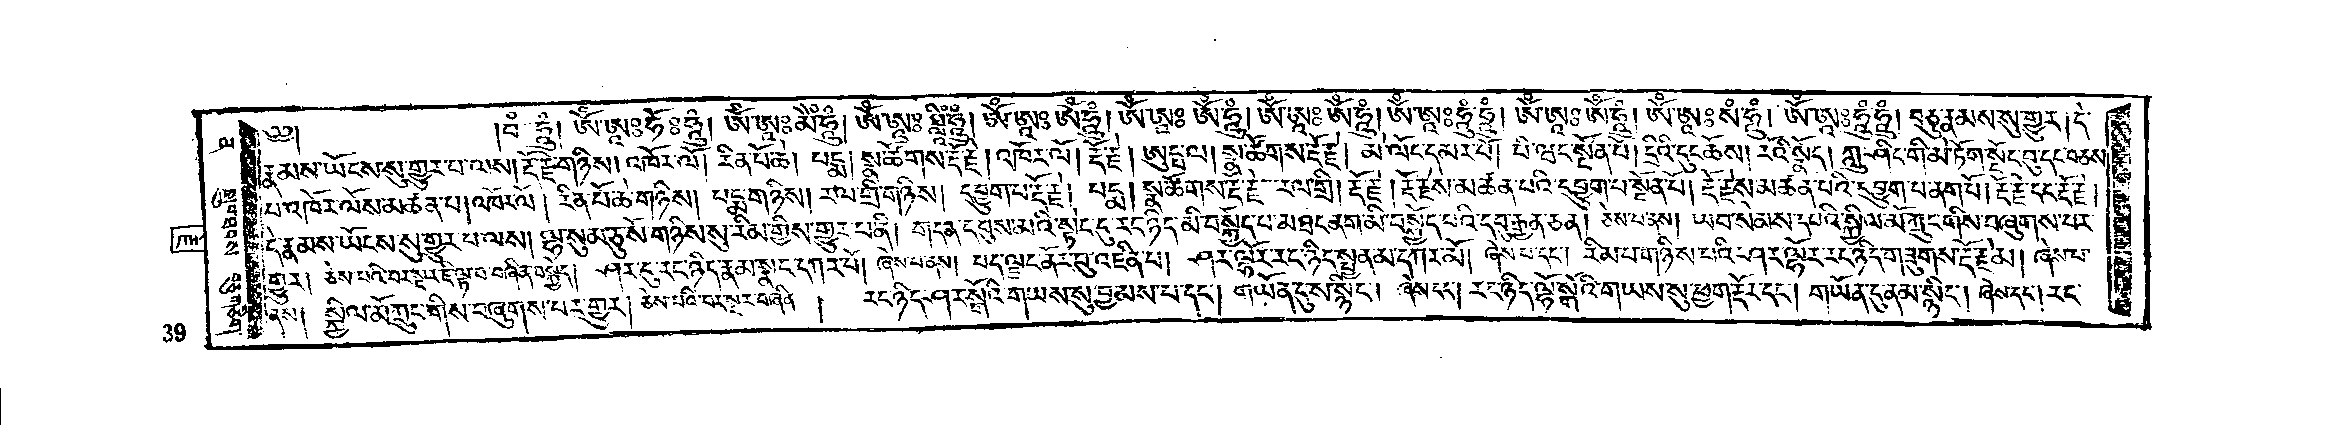༄༅། །བཾ་ཧཱུཾ། ཨོཾ་ཨཱཿ ཧོཿ ཧཱུཾ། ཨོཾ་ཨཱཿ མཻཾ་ཧཱུཾ། ཨོཾ་ཨཱཿ ཐླཱིཾ་ཧཱུཾ། ཨོཾ་ཨཱཿ ཨོཾ་ཧཱུཾ། ཨོཾ་ཨཱཿ ཨོཾ་ཧཱུཾ། ཨོཾ་ཨཱཿ ཨོཾ་ཧཱུཾ། ཨོཾ་ཨཱཿ ཧཱུཾ་ཧཱུཾ། ཨོཾ་ཨཱཿ ཨོཾ་ཧཱུཾ། ཨོཾ་ཨཱཿ སཾ་ཧཱུཾ། ཨོཾ་ཨཱཿ ཧཱུཾ་ཧཱུཾ། བཅུ་རྣམས་སུ་གྱུར། དེ་
རྣམས་ཡོངས་སུ་གྱུར་པ་ལས། རྡོ་རྗེ་གཉིས། འཁོར་ལོ། རིན་པོ་ཆེ། པདམ། སྣ་ཚོགས་རྡོ་རྗེ། འཁོར་ལོ། རྡོ་རྗེ། ཨུདཔ་ལ། སྣ་ཚོགས་རྡོ་རྗེ། མེ་ལོང་དམར་པོ། པི་ཝང་སྔོན་པོ། དྲིའི་དུང་ཆོས། རའི་སྣོད། ཀླུ་ཤིང་གི་མེ་ཏོག་སྡོང་བུ་དང་བཅས་
པ་འཁོར་ལོས་མཚན་པ། འཁོར་ལོ། རིན་པོ་ཆེ་གཉིས། པདམ་གཉིས། རལ་གྲི་གཉིས། དབྱུག་པ་རྡོ་རྗེ། པདམ། སྣ་ཚོགས་རྡོ་རྗེ་རལ་གྲི། རྡོ་རྗེ། རྡོ་རྗེས་མཚན་པའི་དབྱུག་པ་སྔོན་པོ། རྡོ་རྗེས་མཚན་པའི་དབྱུག་པ་ནག་པོ། རྡོ་རྗེ་དང་རྡོ་རྗེ།
དེ་རྣམས་ཡོངས་སུ་གྱུར་པ་ལས། ལྷ་སུམ་ཅུ་སོ་གཉིས་སུ་རིམ་གྱིས་གྱུར་པ་ནི། གདན་དབུས་མའི་སྟེང་དུ་རང་ཉིད་མི་བསྐྱོད་པ་མཐིང་ནག་མི་བསྐྱོད་པའི་དབུ་རྒྱན་ཅན། ཅེས་པ་ནས།  ཡབ་སེམས་དཔའི་སྐྱིལ་མོ་ཀྲུང་གིས་བཞུགས་པར་
གྱུར། ཅེས་པའི་བར་སྔར་ཇི་ལྟ་བ་བཞིན་བསྐྱེད།  ཤར་དུ་རང་ཉིད་རྣམ་སྣང་དཀར་པོ། ཞེས་པ་ནས།  པད་ལྗང་ནོར་བུ་འཛིན་པ། ཤར་ལྷོར་རང་ཉིད་སྤྱན་མ་དཀར་མོ། ཞེས་པ་དང་།  རིམ་པ་གཉིས་པའི་ཤར་ལྷོར་རང་ཉིད་གཟུགས་རྡོ་རྗེ་མ། ཞེས་པ་
ནས། སྐྱིལ་མོ་ཀྲུང་གིས་བཞུགས་པར་གྱུར། ཅེས་པའི་བར་སྔར་བཞིན།  རང་ཉིད་ཤར་སྒོའི་གཡས་སུ་བྱམས་པ་དང་། གཡོན་དུ་ས་སྙིང་། ཞེས་དང་།  རང་ཉིད་ལྷོ་སྒོའི་གཡས་སུ་ཕྱག་རྡོར་དང་། གཡོན་དུ་ནམ་སྙིང་། ཞེས་དང་།  རང་